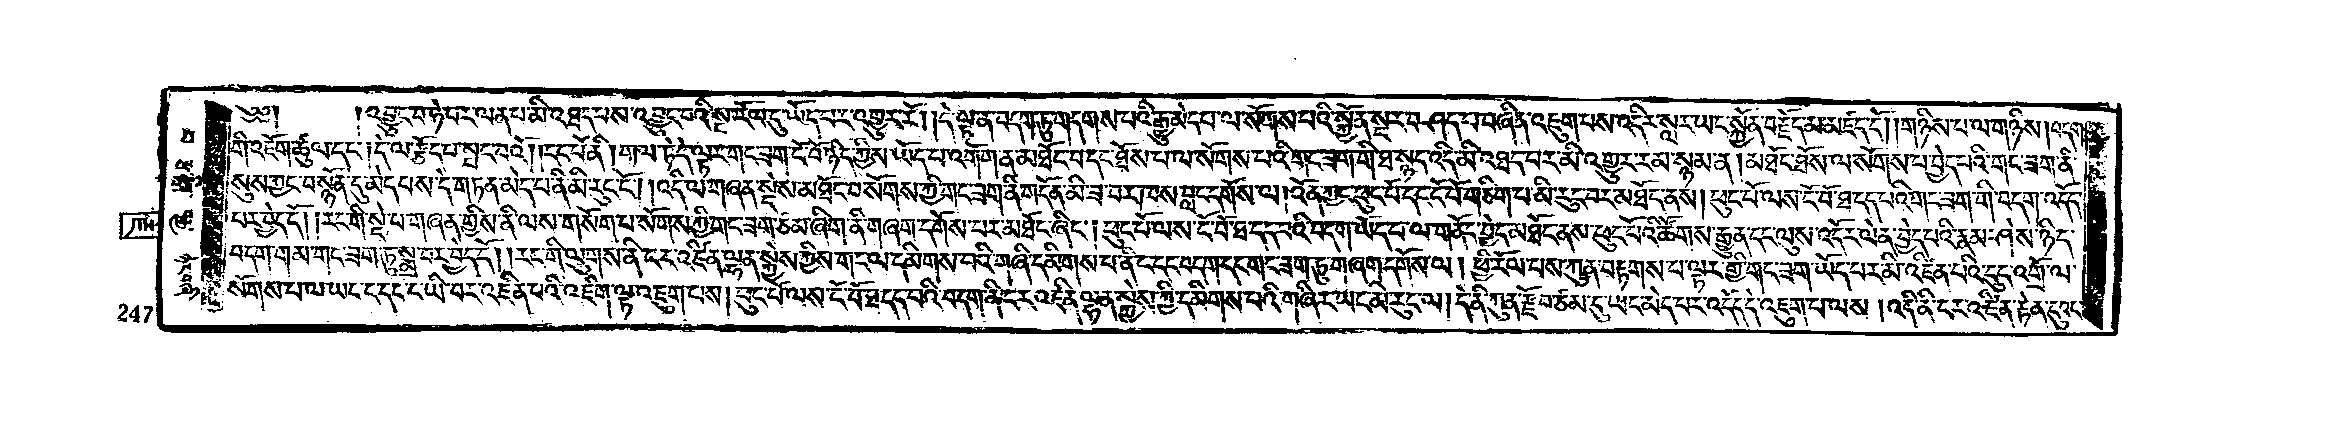༄༅། །འབྱུང་བ་ཉེ་བར་ལེན་པ་མི་འཐད་པས་འབྱུང་བའི་སྔ་རོལ་དུ་ཡོད་པར་འགྱུར་རོ། །དེ་ལྟ་ན་བདག་ཏུ་གདགས་པའི་རྒྱུ་མེད་པ་ལ་སོགས་པའི་སྐྱོན་སྔར་བཤད་པ་བཞིན་འཇུག་པས་འདིར་སླར་ཡང་སྐྱོན་བརྗོད་མ་མཛད་དོ། །གཉིས་པ་ལ་གཉིས། བདག་
གི་འཇོག་ཚུལ་དང་། དེ་ལ་རྩོད་པ་སྤང་བའོ། །དང་པོ་ནི། གལ་ཏེ་དེ་ལྟར་གང་ཟག་ངོ་བོ་ཉིད་ཀྱིས་ཡོད་པ་འགོག་ན་མཐོང་བ་དང་ཐོས་པ་ལ་སོགས་པའི་གང་ཟག་གི་ཐ་སྙད་འདི་མི་འཐད་པར་མི་འགྱུར་རམ་སྙམ་ན། མཐོང་ཐོས་ལ་སོགས་པ་བྱེད་པའི་གང་ཟག་ནི་
སུས་ཀྱང་བསྙོན་དུ་མེད་པས་དེ་གཏན་མེད་པ་ནི་མི་རུང་ངོ། །འདི་ལ་གཞན་སྡེས་མཐོང་བ་སོགས་ཀྱི་གང་ཟག་ནི་གདོན་མི་ཟ་བར་ཁས་བླང་དགོས་ལ། འོན་ཀྱང་ཕུང་པོ་དང་ངོ་བོ་གཅིག་པ་མི་རུང་བར་མཐོད་ནས། ཕུང་པོ་ལས་ངོ་བོ་ཐ་དད་པའི་གང་ཟག་གི་བདག་འདོད་
པར་བྱེད་དོ། །རང་གི་སྡེ་པ་གཞན་གྱིས་ནི་ལས་གསོག་པ་སོགས་ཀྱི་གང་ཟག་ཙམ་ཞིག་ནི་གཞག་དགོས་པར་མཐོང་ཞིང་། ཕུང་པོ་ལས་ངོ་བོ་ཐ་དད་པའི་བདག་ཡོད་པ་ལ་གནོད་བྱེད་མཐོང་ནས་ཕུང་པོའི་ཚོགས་རྒྱུན་དང་ལུས་འདོར་ལེན་བྱེད་པའི་རྣམ་ཤེས་ཉིད་
བདག་གམ་གང་ཟག་ཏུ་སྨྲ་བར་བྱེད་དོ། །རང་གི་ལུགས་ནི་ངར་འཛིན་ལྷན་སྐྱེས་ཀྱིས་གང་ལ་དམིགས་པའི་གཞི་དམིགས་པ་ནི་ང་དང་བདག་དང་གང་ཟག་ཏུ་གཞག་དགོས་ལ། ཕྱི་རོལ་པས་ཀུན་བརྟགས་པ་ལྟར་གྱི་གང་ཟག་ཡོད་པར་མི་འཛིན་པའི་དུད་འགྲོ་ལ་
སོགས་པ་ལ་ཡང་ང་དང་ང་ཡི་བར་འཛིན་པའི་འཇིག་ལྟ་འཇུག་པས། ཕུང་པོ་ལས་ངོ་བོ་ཐ་དད་པའི་བདག་པའི་བདག་ནི་ངར་འཛིན་ལྷན་སྐྱེས་ཀྱི་དམིགས་པའི་གཞིར་ཡང་མི་རུང་ལ། དེ་ནི་ཀུན་རྫོབ་ཙམ་དུ་ཡང་མེད་པར་འདོད་དེ་འཇུག་པ་ལས། འདི་ནི་ངར་འཛིན་རྟེན་དུའང་